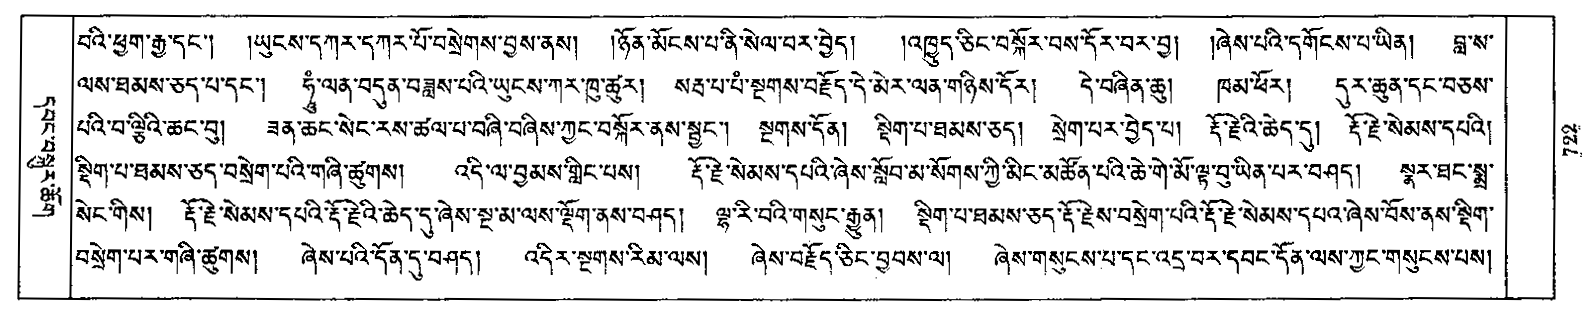བའི་ཕྱག་རྒྱ་དང་། །ཡུངས་དཀར་དཀར་པོ་བསྲེགས་བྱས་ནས། །ཉོན་མོངས་པ་ནི་སེལ་བར་བྱེད། །འཁྱུད་ཅིང་བསྐོར་བས་དོར་བར་བྱ། །ཞེས་པའི་དགོངས་པ་ཡིན། བླ་ས་
ལས་ཐམས་ཅད་པ་དང་། ཧཱུཾ་ལན་བདུན་བཟླས་པའི་ཡུངས་ཀར་ཁུ་ཚུར། སརྦ་པ་པཾ་སྔགས་བརྗོད་དེ་མེར་ལན་གཉིས་དོར། དེ་བཞིན་ཆུ། ཁམ་ཕོར། དུར་ཆུན་དང་བཅས་
པའི་བ་ལྕིའི་ཆང་བུ། ཟན་ཆང་སེང་རས་ཚལ་པ་བཞི་བཞིས་ཀྱང་བསྐོར་ནས་སྦྱང་། སྔགས་དོན། སྡིག་པ་ཐམས་ཅད། སྲེག་པར་བྱེད་པ། རྡོ་རྗེའི་ཆེད་དུ། རྡོ་རྗེ་སེམས་དཔའི།
སྡིག་པ་ཐམས་ཅད་བསྲེག་པའི་གཞི་ཚུགས། འདི་ལ་བྱམས་གླིང་པས། རྡོ་རྗེ་སེམས་དཔའི་ཞེས་སློབ་མ་སོགས་ཀྱི་མིང་མཚོན་པའི་ཆེ་གེ་མོ་ལྟ་བུ་ཡིན་པར་བཤད། སྣར་ཐང་སྨྲ་
སེང་གིས། རྡོ་རྗེ་སེམས་དཔའི་རྡོ་རྗེའི་ཆེད་དུ་ཞེས་སྔ་མ་ལས་ལྡོག་ནས་བཤད། ལྷ་རི་བའི་གསུང་རྒྱུན། སྡིག་པ་ཐམས་ཅད་རྡོ་རྗེས་བསྲེག་པའི་རྡོ་རྗེ་སེམས་དཔའ་ཞེས་བོས་ནས་སྡིག་
བསྲེག་པར་གཞི་ཚུགས། ཞེས་པའི་དོན་དུ་བཤད། འདིར་སྔགས་རིམ་ལས། ཞེས་བརྗོད་ཅིང་བྱབས་ལ། ཞེས་གསུངས་པ་དང་འདྲ་བར་དབང་དོན་ལས་ཀྱང་གསུངས་པས།